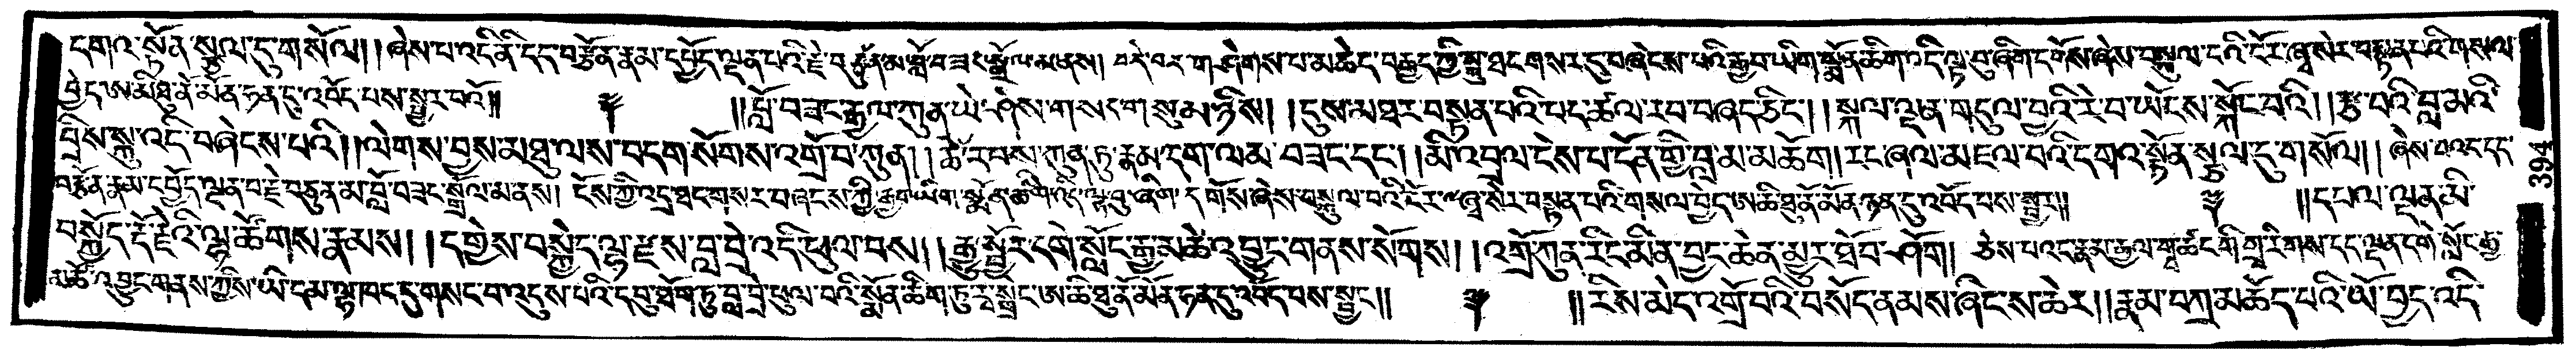དགའ་སྟོན་སྩལ་དུ་གསོལ། །ཞེས་པ་འདི་ནི་དད་བརྩོན་རྣམ་དཔྱོད་ལྡན་པའི་རྗེ་བཙུན་མ་བློ་བཟང་སྒྲོལ་མ་ནས། བདེ་བར་གཤེགས་པ་མཆེད་བརྒྱད་ཀྱི་སྐུ་ཐང་གསར་དུ་བཞེངས་པའི་རྒྱབ་ཡིག་སྨོན་ཚིག་འདི་ལྟ་བུ་ཞིག་དགོས་ཞེས་བསྐུལ་བའི་ངོར་ཞྭ་སེར་བསྟན་པའི་གསལ་
བྱེད་ཨ་མི་ཐུ་ནོ་མོན་ཧན་དུ་འབོད་པས་སྦྱར་བའོ།། ༈ །།བློ་བཟང་རྒྱལ་ཀུན་ཡེ་ཤེས་གསང་གསུམ་ཉིས། །དུས་མཐར་བསྟན་པའི་པད་ཚལ་རབ་བཞད་ཅིང་། །སྐལ་ལྡན་གདུལ་བྱའི་རེ་བ་ཡོངས་སྐོང་བའི། །རྩ་བའི་བླ་མའི་
བྲིས་སྐུ་འདི་བཞེངས་པའི། །ལེགས་བྱས་མཐུ་ལས་བདག་སོགས་འགྲོ་བ་ཀུན། །ཚེ་རབས་ཀུན་ཏུ་རྣམ་དག་ལམ་བཟང་དང་། །མི་འབྲལ་ངེས་པ་དོན་གྱི་བླ་མ་མཆོག །རང་ཞལ་མཇལ་བའི་དགའ་སྟོན་སྩལ་དུ་གསོལ། །ཞེས་བའང་དད་
བརྩོན་རྣམ་དཔྱོད་ལྡན་པ་རྗེ་བཙུན་མ་བློ་བཟང་སྒྲོལ་མ་ནས། ངོས་ཀྱི་འདྲ་ཐང་གསར་བཞེངས་ཀྱི་རྒྱབ་ཡིག་སྨོན་ཚིག་འདི་ལྟ་བུ་ཞིག་དགོས་ཞེས་བསྐུལ་བའི་ངོར ༧་ཞྭ་སེར་བསྟན་པའི་གསལ་བྱེད་ཨ་ཆི་ཐུ་ནོ་མོན་ཧན་དུ་འབོད་པས་སྦྱར།། ༈ །།དཔལ་ལྡན་མི་
བསྐྱོད་རྡོ་རྗེའི་ལྷ་ཚོགས་རྣམས། །དགྱེས་བསྐྱེད་ལྷ་རྫས་བླ་བྲེ་འདི་ཕུལ་བས། །རྒྱུ་སྦྱོར་དགེ་སློང་རྒྱ་མཚོ་འབྱུང་གནས་སོགས། །འགྲོ་ཀུན་རིང་མིན་བྱང་ཆེན་མྱུར་ཐོབ་ཤོག །ཅེས་པའང་རྣམ་རྒྱལ་གྲྭ་ཚང་གི་གྲྭ་རིགས་དད་ལྡན་དགེ་སློང་རྒྱ་
མཚོ་འབྱུང་གནས་ཀྱིས་ཡི་དམ་ལྷ་ཁང་དུ་གསང་བ་འདུས་པའི་དབུ་ཐོག་ཏུ་བླ་བྲེ་ཕུལ་བའི་སྨོན་ཚིག་ཏུ་རྭ་སྒྲེང་ཨ་ཆི་ཐུ་ནོ་མོན་ཧན་དུ་འབོད་པས་སྦྱང།། ༈ །།རིས་མེད་འགྲོ་བའི་བསོད་ནམས་ཞིང་ས་ཆེར། །རྣམ་བཀྲ་མཆོད་པའི་ཡོ་བྱད་འདི་